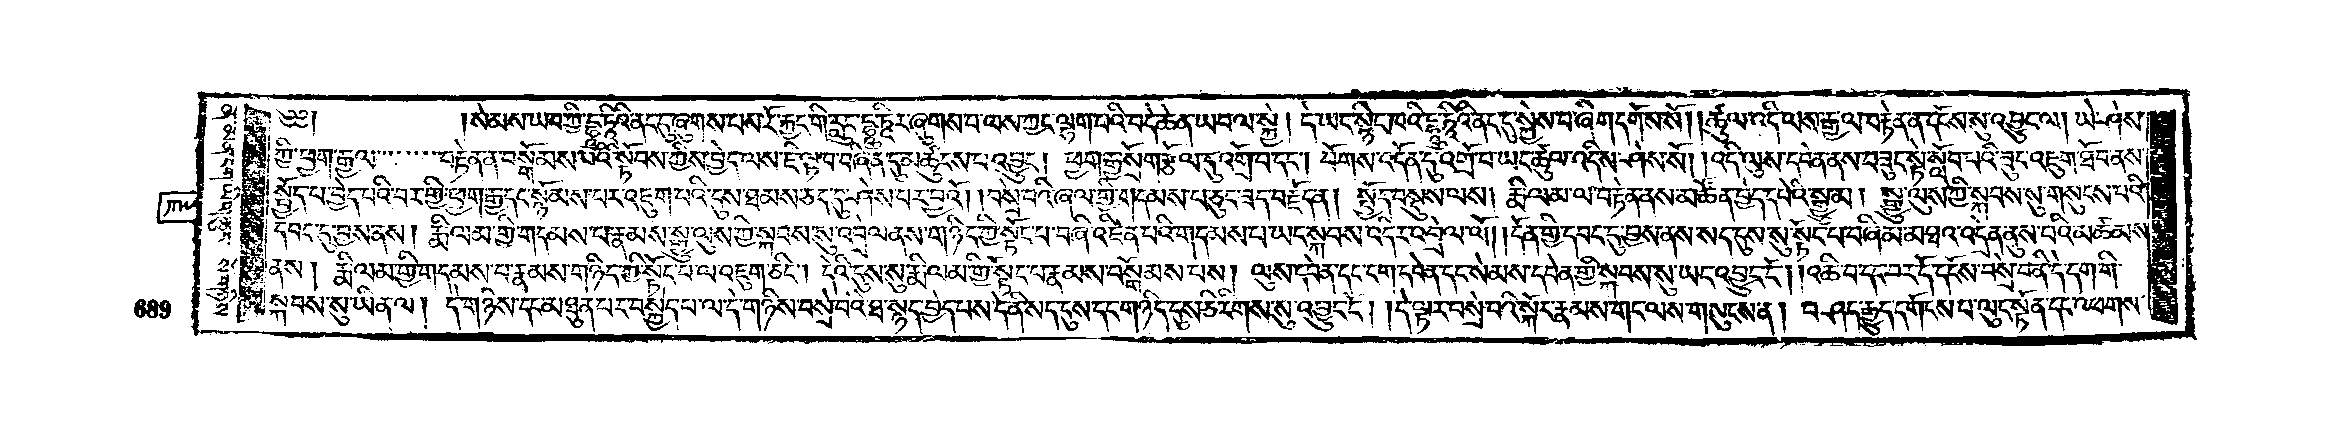༄༅། །སེམས་ཡབ་ཀྱི་དྷཱུ་ཏཱིའི་ནང་དུ་ཞུགས་པས་རོ་རྐྱང་གི་རླུང་དྷཱུ་ཏཱིར་ཞུགས་པ་ལས་ཀྱང་ལྷག་པའི་བདེ་ཆེན་ཡབ་ལ་སྐྱེ། དེ་ཡང་སྙིང་ཁའི་དྷཱུ་ཏཱིའི་ནང་དུ་སྐྱེས་པ་ཞིག་དགོས་སོ། །ཚུལ་འདི་ལས་རྒྱ་ལ་བརྟེན་ན་དངོས་སུ་འབྱུང་ལ། ཡེ་ཤེས་
ཀྱི་ཕྱག་རྒྱ་ལ་བརྟེན་ན་བསྒོམས་པའི་སྟོབས་ཀྱིས་བྱེད་ལས་ཇི་ལྟ་བ་བཞིན་དུ་མཚུངས་པ་འབྱུང་། ཕྱག་རྒྱ་སྲོག་རྩོལ་དུ་འགྲོ་བ་དང་། བོགས་འདོན་དུ་འགྲོ་བ་ཡང་ཚུལ་འདིས་ཤེས་སོ། །འདི་ལུས་དབེན་ནས་བཟུང་སྟེ་སློབ་པའི་ཟུང་འཇུག་ཐོབ་ནས་
སྤྱོད་པ་བྱེད་པའི་བར་གྱི་ཕྱག་རྒྱ་དང་སྙོམས་པར་འཇུག་པའི་དུས་ཐམས་ཅད་དུ་ཤེས་པར་བྱའོ། །བསྲེ་བའི་ཞལ་གྱི་གདམས་པ་ཅུང་ཟད་བརྗོད་ན། སྤྱོད་བསྡུས་ལས། རྨི་ལམ་ལ་བརྟེན་ནས་མཚོན་བྱེད་དཔེའི་སྒྱུ་མ། སྒྱུ་ལུས་ཀྱི་སྐབས་སུ་གསུངས་པའི་
དབང་དུ་བྱས་ནས། རྨི་ལམ་གྱི་གདམས་པ་རྣམས་སྒྱུ་ལུས་ཀྱི་སྐབས་སུ་འབྲེལ་ནས་གཉིད་ཀྱི་སྟོང་པ་བཞི་འཛིན་པའི་གདམས་པ་ལ་ཡང་སྐབས་འདིར་འབྲེལ་ལོ། །དོན་གྱི་དབང་དུ་བྱས་ནས་སད་དུས་སུ་སྟོང་པ་བཞི་མ་མཐའ་འདྲེན་ནུས་པའི་མཚམས་
ནས། རྨི་ལམ་གྱི་གདམས་པ་རྣམས་གཉིད་ཀྱི་སྟོང་པ་ལ་འཇུག་ཅིང་། དེའི་དུས་སུ་རྨི་ལམ་གྱི་སྟོང་པ་རྣམས་བསྒོམས་པས། ལུས་དབེན་དང་ངག་དབེན་དང་སེམས་དབེན་གྱི་སྐབས་སུ་ཡང་འབྱུང་ངོ། །འཆི་བ་དང་བར་དོ་དངོས་བསྲེ་བ་ནི་དེ་དག་གི་
སྐབས་སུ་ཡིན་ལ། དེ་གཉིས་དང་མཐུན་པར་བསྐྱེད་པ་ལ་དེ་གཉིས་བསྲེ་བའི་ཐ་སྙད་བྱེད་པས་དེ་ནི་སད་དུས་དང་གཉིད་དུས་ཅི་རིགས་སུ་འབྱུང་ངོ། །དེ་ལྟར་བསྲེ་བའི་སྐོར་རྣམས་གང་ལས་གསུངས་ན། བཤད་རྒྱུད་དགོངས་པ་ལུང་སྟོན་དང་འཕགས་